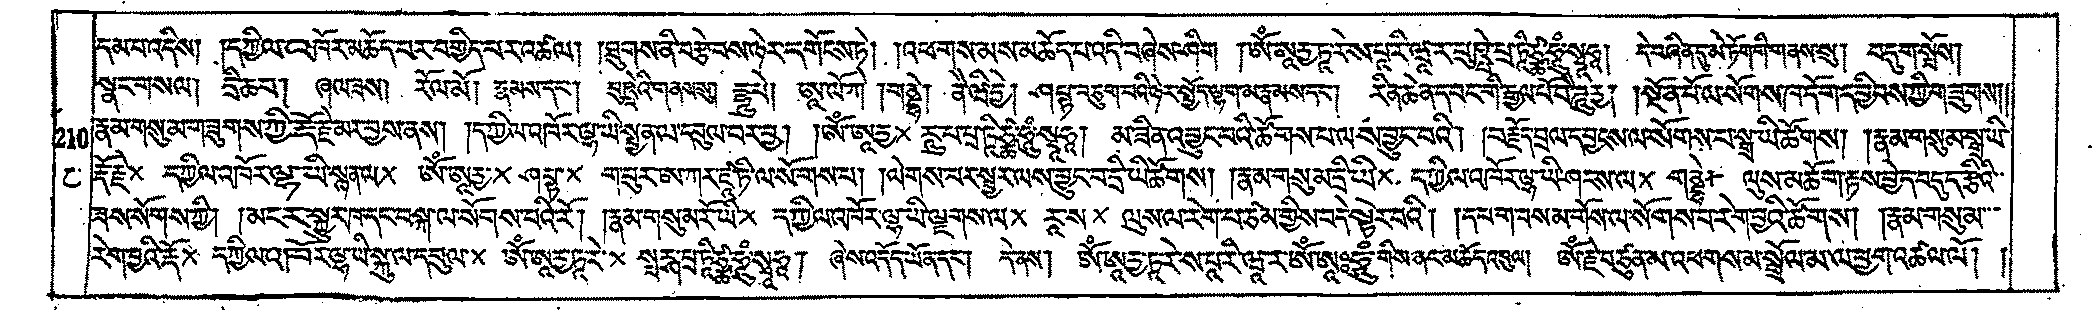དམ་པ་འདིས། །དཀྱིལ་འཁོར་མཆོད་པར་བགྱིད་པར་འཚལ། །ཐུགས་ནི་བརྩེབས་ཉེར་དགོངས་ཏེ། །འཕགས་མས་མཆོད་པ་འདི་བཞེས་ཤིག །ཨོཾ་ཨཱརྱ་ཏཱ་རེ་ས་པཱ་རི་ཝཱ་ར་པུཥྤེ་པྲ་ཏཱི་ཙྪ་ཧཱུཾ་སྭཱཧཱ། དེ་བཞིན་དུ་མེ་ཏོག་གི་གནས་སུ།  བདུག་སྤོས།
སྣང་གསལ། དྲི་ཆབ། ཞལ་ཟས། རོལ་མོ། རྣམས་དང་། པུཥྤེའི་གནས་སུ།  དྷཱུ་པེ། ཨཱ་ལོ་ཀེ །གནྡྷེ། ནཻ་ཝིདྱེ། ཤཔྟ་བཅུག་པའི་ཉེར་སྤྱོད་ལྷག་མ་རྣམས་དང་།  རིན་ཆེན་དབང་གི་རྒྱལ་པོ་བཻཌཱུརྱ། །སྔོན་པོ་ལ་སོགས་ཁ་དོག་དབྱིབས་ཀྱི་གཟུགས།།
རྣམ་གསུམ་གཟུགས་ཀྱི་རྡོ་རྗེ་མར་བྱས་ནས། །དཀྱིལ་འཁོར་ལྷ་ཡི་སྤྱན་ལ་དབུལ་བར་བྱ། །ཨོཾ་ཨཱརྱ་྾་རཱུ་པ་པྲ་ཏཱཙྪ་ཧཱུཾ་སྭཱཧཱ། མ་ཟིན་འབྱུང་བའི་ཚོགས་པ་ལས་བྱུང་བའི། །བརྗོད་བྲལ་དབྱངས་ལ་སོགས་པ་སྒྲ་ཡི་ཚོགས། །རྣམ་གསུམ་སྒྲ་ཡི་
རྡོ་རྗེ་྾་དཀྱིལ་འཁོར་ལྷ་ཡི་སྙན་ལ་྾་ཨོཾ་ཨཱརྱ་྾་ཤཔྟ་྾་ག་བུར་ཨ་ཀར་ཛཱ་ཏི་ལ་སོགས་པ། །ལེགས་པར་སྦྱར་ལས་བྱུང་བ་དྲི་ཡི་ཚོགས། །རྣམ་གསུམ་དྲི་ཡི་྾་དཀྱིལ་འཁོར་ལྷ་ཡི་ཤངས་ལ་྾་གནྡྷེ་྾་ལུས་མཆོག་རྟས་བྱེད་བདུད་རྩིའི་་་
ཟས་སོགས་ཀྱི། །མངར་སྐྱུར་ཁ་དང་བསྐ་ལ་སོགས་པའི་རོ། །རྣམ་གསུམ་རོ་ཡི་྾་དཀྱིལ་འཁོར་ལྷ་ཡི་ལྗགས་ལ་྾་རཱ་ས་྾་ལུས་ལ་རེག་པ་ཙམ་གྱིས་བདེ་སྟེར་བའི། །དཔག་བསམ་གོས་ལ་སོགས་པ་རེག་བྱའི་ཚོགས། །རྣམ་གསུམ་་་
རེག་བྱའི་རྡོ་྾་དཀྱིལ་འཁོར་ལྷ་ཡི་སྐུ་ལ་དབུལ་྾་ཨོཾ་ཨཱརྱ་ཏཱ་རེ་྾་སྤརྴ་པྲ་ཏཱིཙྪ་ཧཱུཾ་སྭཱཧཱ། ཞེས་འདོད་ཡོན་དང་། དེ་ནས།  ཨོཾ་ཨཱརྱ་ཏཱ་རེ་ས་པཱ་རི་ཝཱ་ར་ཨོཾ་ཨཱཿ ཧཱུཾ་གིས་ནང་མཆོད་དབུལ།  ཨོཾ་རྗེ་བཙུན་མ་འཕགས་མ་སྒྲོལ་མ་ལ་ཕྱག་འཚལ་ལོ། །